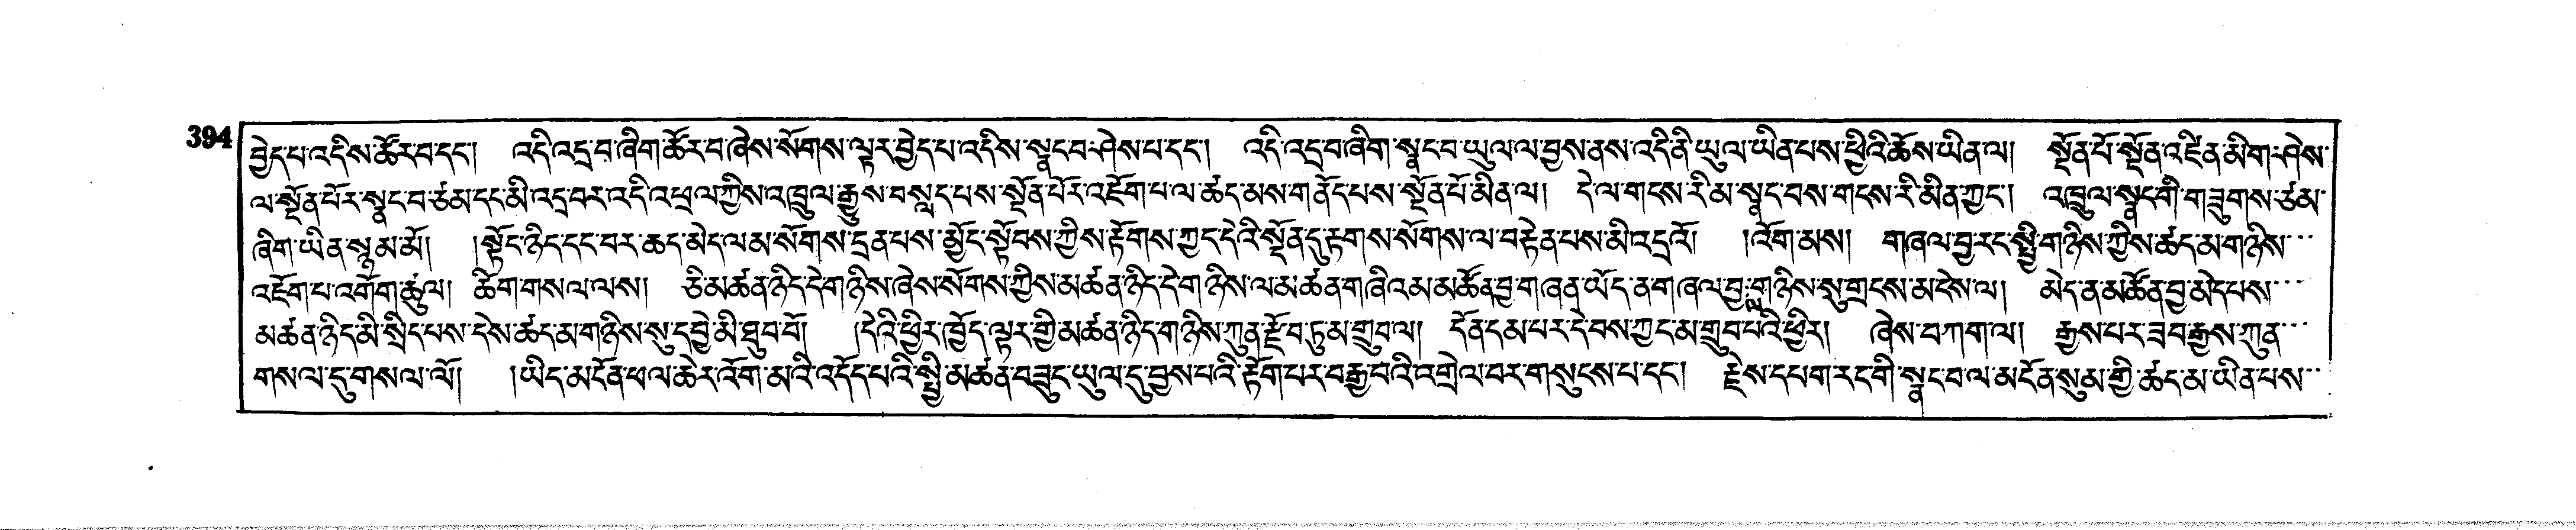བྱེད་པ་འདིས་ཚོར་བ་དང་། འདི་འདྲ་བ་ཞིག་ཚོར་བ་ཞེས་སོགས་ལྟར་བྱེད་པ་འདིས་སྣང་བ་ཤེས་པ་དང་། འདི་འདྲ་བ་ཞིག་སྣང་བ་ཡུལ་ལ་བྱས་ནས་འདི་ནི་ཡུལ་ཡིན་པས་ཕྱིའི་ཆོས་ཡིན་ལ། སྔོན་པོ་སྔོན་འཛིན་མིག་ཤེས་
ལ་སྔོན་པོར་སྣང་བ་ཙམ་དང་མི་འདྲ་བར་འདི་འཕྲལ་ཀྱིས་འཁྲུལ་རྒྱུས་བསླད་པས་སྔོན་པོར་འཇོག་པ་ལ་ཚད་མས་གནོད་པས་སྔོན་པོ་མིན་ལ། དེ་ལ་གངས་རིམ་སྣང་བས་གངས་རི་མིན་ཀྱང་། འཁྲུལ་སྣང་གི་གཟུགས་ཙམ་
ཞིག་ཡིན་སྙམ་མོ། །སྟོང་ཉིད་དང་བར་ཆད་མེད་ལམ་སོགས་དྲན་པས་མྱོང་སྟོབས་ཀྱིས་རྟོགས་ཀྱང་དེའི་སྔོན་དུ་རྟགས་སོགས་ལ་བརྟེན་པས་མི་འདྲའོ། །འོག་མས། གཞལ་བྱ་རང་སྤྱི་གཉིས་ཀྱིས་ཚད་མ་གཉིས་
འཇོག་པ་འགོག་ཚུལ། ཚིག་གསལ་ལས། ཅི་མཚན་ཉིད་དེ་གཉིས་ཞེས་སོགས་ཀྱིས་མཚན་ཉིད་དེ་གཉིས་ལམ་ཚན་གཞིའམ་མཚོན་བྱ་གཞན་ཡོད་ན་གཞལ་བྱ་ལ་གཉིས་སུ་གྲངས་མ་ངེས་ལ། མེད་ན་མཚོན་བྱ་མེད་པས་
མཚན་ཉིད་མི་སྲིད་པས་དེས་ཚད་མ་གཉིས་སུ་དབྱེ་མི་ཐུབ་བོ། །དེའི་ཕྱིར་ཁྱོད་ལྟར་གྱི་མཚན་ཉིད་གཉིས་ཀུན་རྫོབ་ཏུ་མ་གྲུབ་ལ། དོན་དམ་པར་དེ་བས་ཀྱང་མ་གྲུབ་པའི་ཕྱིར། ཞེས་བཀག་ལ། རྒྱས་པར་ཟབ་རྒྱས་ཀུན་
གསལ་དུ་གསལ་ལོ། །ཡིད་མངོན་ཕལ་ཆེར་འོག་མའི་འདོད་པའི་སྤྱི་མཚན་བཟུང་ཡུལ་དུ་བྱས་པའི་རྟོག་པར་བརྒྱ་བའི་འགྲེལ་བར་གསུངས་པ་དང་། རྗེས་དཔག་རང་གི་སྣང་བ་ལ་མངོན་སུམ་གྱི་ཚད་མ་ཡིན་པས་